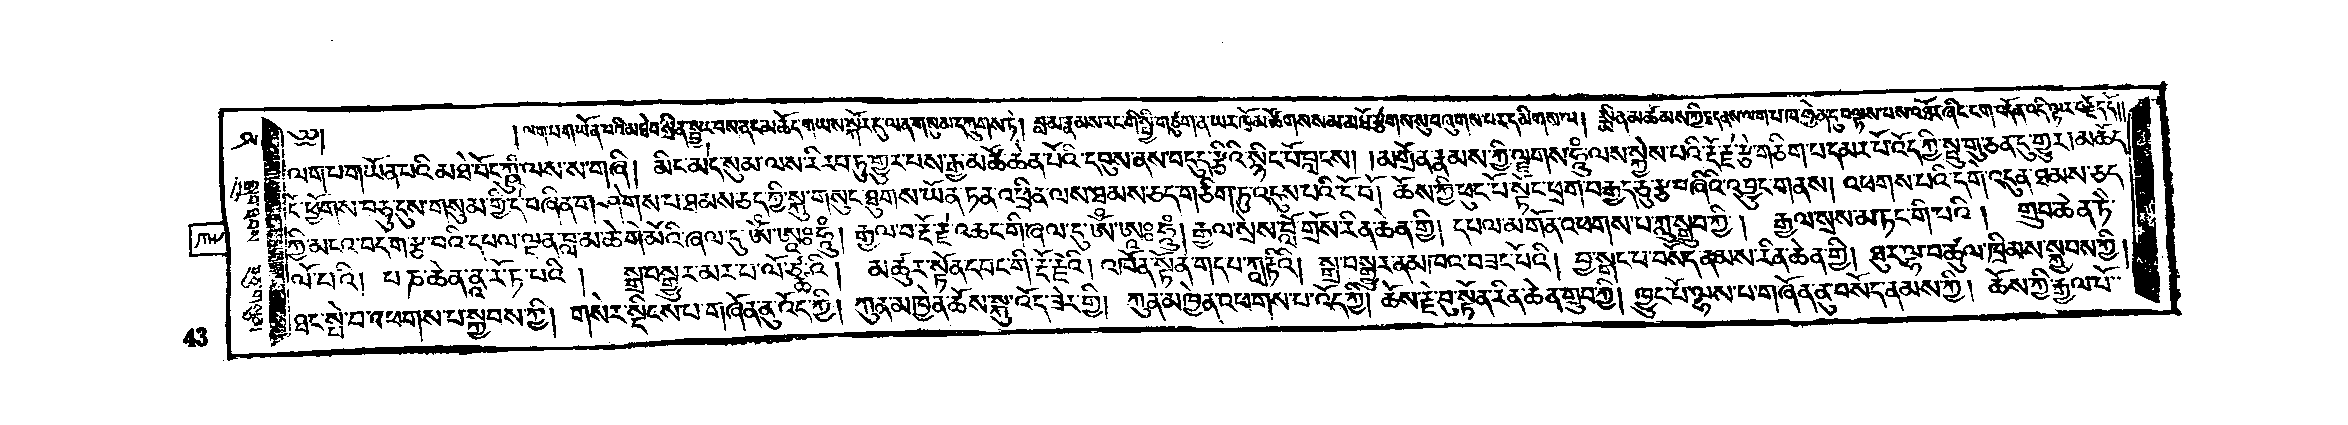༄༅། །ལག་པ་གཡོན་པའི་མཐེབ་སྲིན་སྦྱར་བས་ནང་མཆོད་གཡས་སྐོར་དུ་ལན་གསུམ་དཀྲུགས་ཏེ། བླ་མ་རྣམས་རང་གི་སྤྱི་གཙུག་ན་ཡར་ཁྲོམ་ཚོགས་སམ་མཐོ་རྩེགས་སུ་བཞུགས་པར་དམིགས་ལ། སྨིན་མཚམས་ཀྱི་ཐད་ནས་ལག་པ་ཁ་གྱེན་དུ་བལྟས་པས་འཐོར་ཞིང་ངག་འདོན་འདི་ལྟར་བརྗོད་དོ།།
ལག་པ་གཡོན་པའི་མཐེ་བོང་ཀྵུཾ་ལས་ས་གཞི། མིང་མེད་སུམ་ལས་རི་རབ་ཏུ་གྱུར་པས་རྒྱ་མཚོ་ཆེན་པོའི་དབུས་ནས་བདུད་རྩིའི་སྙིང་པོ་བླངས། །མགྲོན་རྣམས་ཀྱི་ལྗགས་ཧཱུཾ་ལས་སྐྱེས་པའི་རྡོ་རྗེ་རྩེ་གཅིག་པ་དམར་པོ་འོད་ཀྱི་སྦུ་གུ་ཅན་དུ་གྱུར། མཆོད་
དོ་ཕྱོགས་བཅུ་དུས་གསུམ་གྱི་དེ་བཞིན་གཤེགས་པ་ཐམས་ཅད་ཀྱི་སྐུ་གསུང་ཐུགས་ཡོན་ཏན་འཕྲིན་ལས་ཐམས་ཅད་གཅིག་ཏུ་འདུས་པའི་ངོ་བོ། ཆོས་ཀྱི་ཕུང་པོ་སྟོང་ཕྲག་བརྒྱད་ཅུ་རྩ་བཞིའི་འབྱུང་གནས། འཕགས་པའི་དགེ་འདུན་ཐམས་ཅད་
ཀྱི་མངའ་བདག་རྩ་བའི་དཔལ་ལྡན་བླ་མ་ཆེ་གེ་མོའི་ཞལ་དུ་ཨོཾ་ཨཱཿ ཧཱུཾ། རྒྱལ་བ་རྡོ་རྗེ་འཆང་གི་ཞལ་དུ་ཨོཾ་ཨཱཿ ཧཱུཾ། རྒྱལ་སྲས་བློ་གྲོས་རིན་ཆེན་གྱི། དཔལ་མགོན་འཕགས་པ་ཀླུ་སྒྲུབ་ཀྱི། རྒྱལ་སྲས་མ་ཏང་གི་པའི། གྲུབ་ཆེན་ཏཻ་
ལོ་པའི། པཎ་ཆེན་ནཱ་རོ་ཏ་པའི། སྒྲ་བསྒྱུར་མར་པ་ལོ་ཙྪའི། མཚུར་སྟོན་དབང་གི་རྡོ་རྗེའི། འཁོན་སྟོན་གད་པ་ཀཱརྟིའི། སྒྲ་བསྒྱུར་ནམ་མཁའ་བཟང་པོའི། བྱ་སྒང་པ་བསོད་ནམས་རིན་ཆེན་གྱི། ཐུར་ལྷ་བ་ཚུལ་ཁྲིམས་སྐྱབས་ཀྱི།
ཐང་སྤེ་བ་འཕགས་པ་སྐྱབས་ཀྱི། གསེར་སྡིངས་པ་གཞོན་ནུ་འོད་ཀྱི། ཀུན་མཁྱེན་ཆོས་སྐུ་འོད་ཟེར་གྱི། ཀུན་མཁྱེན་འཕགས་པ་འོད་ཀྱི། ཆོས་རྗེ་བུ་སྟོན་རིན་ཆེན་གྲུབ་ཀྱི། ཁྱུང་པོ་ལྷས་པ་གཞོན་ནུ་བསོད་ནམས་ཀྱི། ཆོས་ཀྱི་རྒྱལ་པོ་